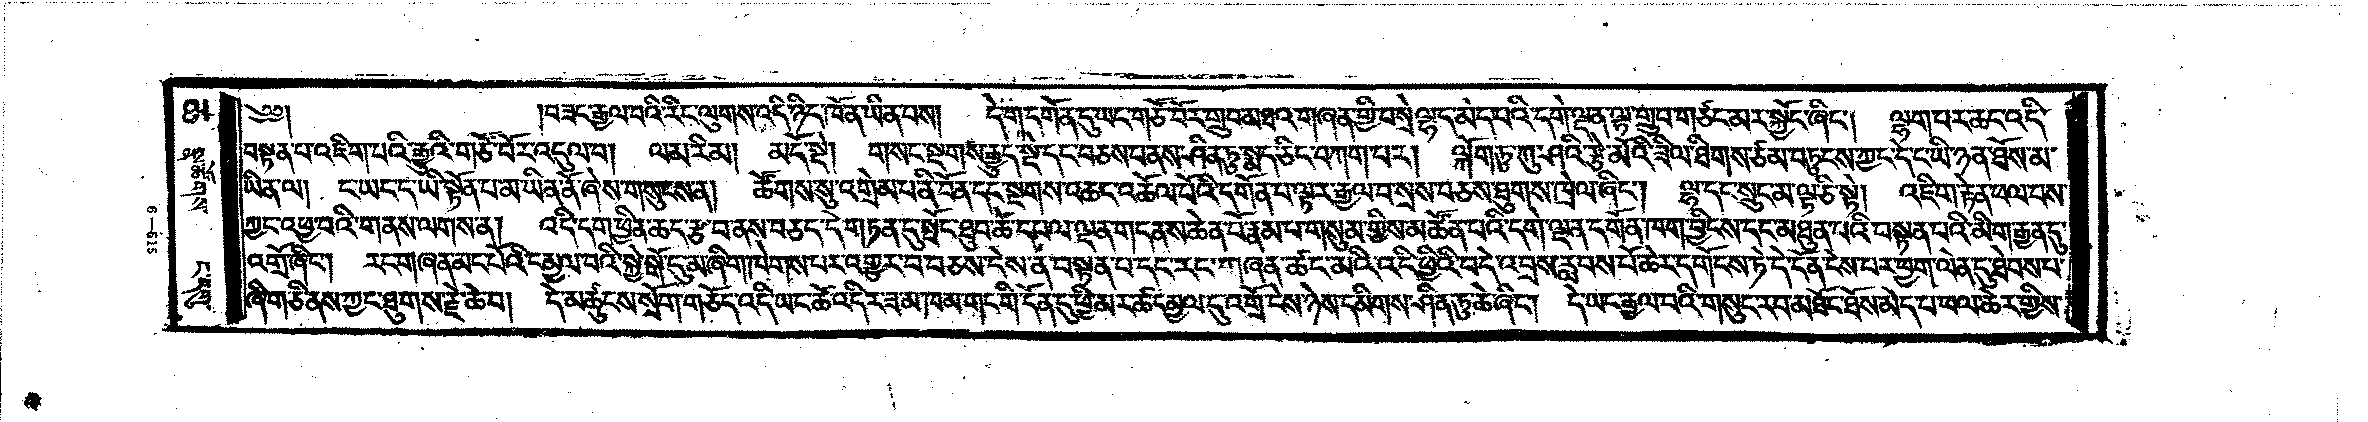༄༅། །བཟང་རྒྱལ་བའི་རིང་ལུགས་འདི་ཉིད་ཁོ་ན་ཡིན་པས། དེ་ག་དགོན་དུ་ཡང་གཙོ་བོར་གྲུབ་མཐའ་གཞན་གྱི་བསྲེ་ལྷད་མེད་པའི་དགེ་ལྡན་ལྟ་གྲུབ་གཙང་མར་སྐྱོང་ཞིང་། ལྷག་པར་ཆང་འདི་
བསྟན་པ་འཇིག་པའི་རྒྱུའི་གཙོ་བོར་འདུལ་བ། ལམ་རིམ། མདོ་སྡེ། གསང་སྔགས་རྒྱུད་སྡེ་དང་བཅས་པ་ནས་ཤིན་ཏུ་སྨད་ཅིང་བཀག་པར། ལྐོག་ཏུ་ཀུ་ཤེའི་རྩེ་མོའི་ཟིལ་ཐིགས་ཙམ་བཏུངས་ཀྱང་དེ་ང་ཡི་ཉན་ཐོས་མ་
ཡིན་ལ། ང་ཡང་ད་ཡི་སྟོན་པ་མ་ཡིན་ནོ་ཞེས་གསུངས་ན། ཚོགས་སུ་འགྲེམ་པ་ནི་བོན་དང་སྔགས་འཆང་འཆོལ་བོའི་དགོན་པ་ལྟར་རྒྱལ་བ་སྲས་བཅས་ཐུགས་ཁྲེལ་ཞིང་། ལྷ་དང་སྲུང་མ་ལྟ་ཅི་སྟེ། འཇིག་རྟེན་ཕལ་བས་
ཀྱང་འཕྱ་བའི་གནས་ལགས་ན། འདི་དག་ཕྱིན་ཆད་རྩ་བ་ནས་བཅད་དེ་གཏན་དུ་སྤོང་ཐུབ་ཚེ་དཔལ་ལྡན་གདན་ས་ཆེན་པོ་རྣམ་པ་གསུམ་གྱིས་མཚོན་པའི་དགེ་ལྡན་དགོན་ཁག་བྱིངས་དང་མཐུན་པའི་བསྟན་པའི་མིག་རྒྱན་དུ་
འགྲོ་ཞིང་། རང་གཞན་མང་པོའི་དམྱལ་བའི་སྐྱེ་སྒོ་དུ་མ་ཞིག་ཁེགས་པར་འགྱུར་བ་བཅས་དེས་ན་བསྟན་པ་དང་རང་གཞན་ཚང་མའི་འདི་ཕྱིའི་བདེ་འབྲས་རླབས་པོ་ཆེར་དགོངས་ཏེ་དེ་དོན་ངེས་པར་ཕྱག་ལེན་དུ་ཐེབས་པ་
ཞིག་ཅི་ནས་ཀྱང་ཐུགས་རྗེ་ཆེ་བ། དེ་མཚུངས་སྲོག་གཅོད་འདི་ཡང་ཚེ་འདིར་ཟ་མ་ཁམ་གང་གི་དོན་དུ་ཕྱི་མར་ཚ་དམྱལ་དུ་འགྲོ་ངེས་ཉེས་དམིགས་ཤིན་ཏུ་ཆེ་ཞིང་། དེ་ཡང་རྒྱལ་བའི་གསུང་རབ་མཐོང་ཐོས་མེད་པ་ཕལ་ཆེར་གྱིས་